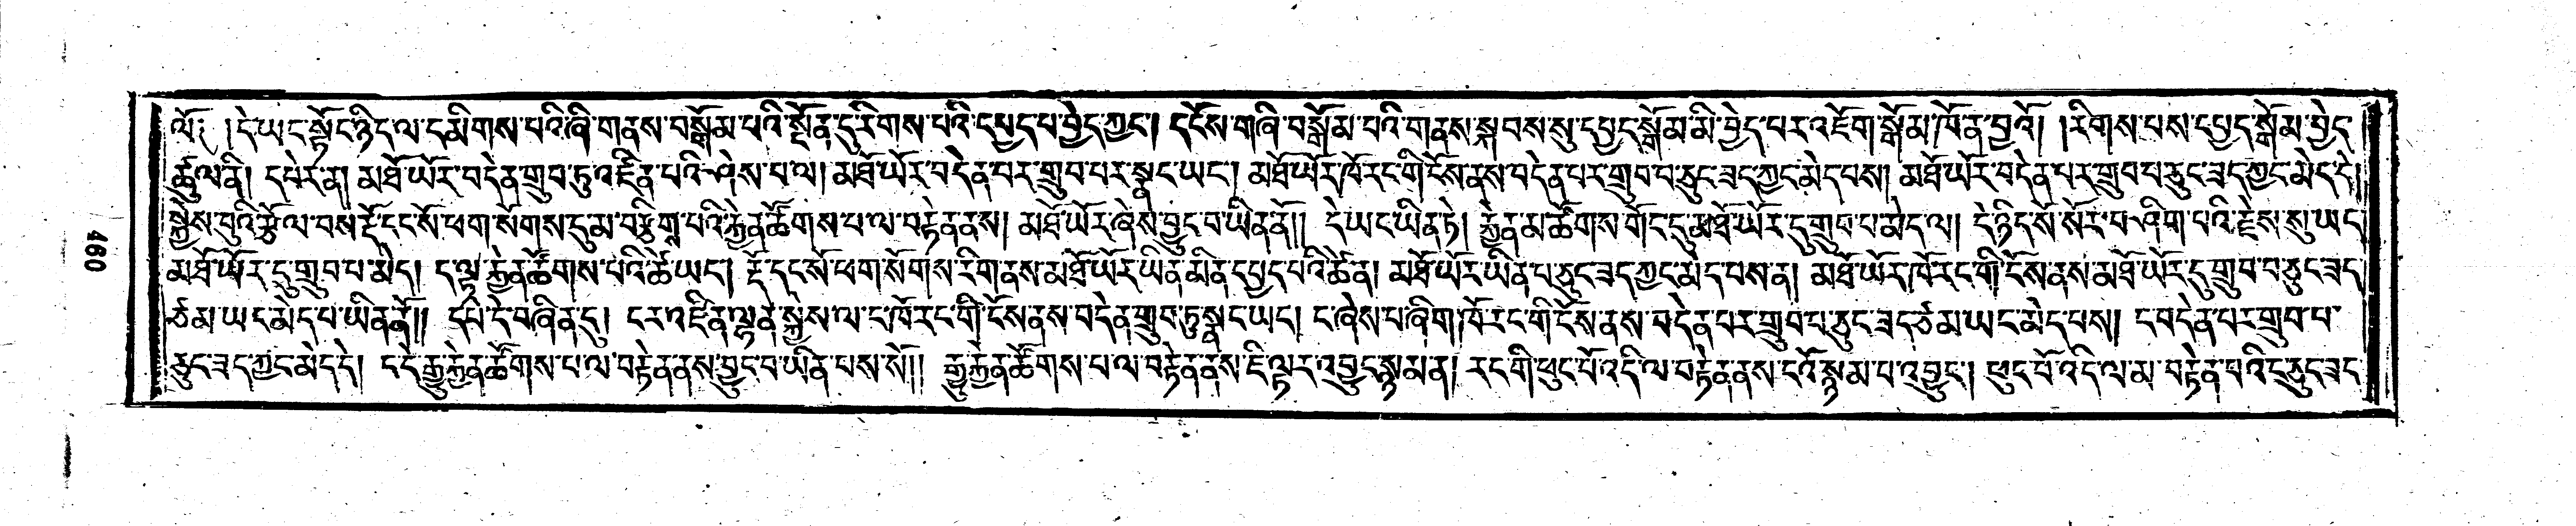ལོ། །དེ་ཡང་སྟོང་ཉིད་ལ་དམིགས་པའི་ཞི་གནས་བསྒོམ་པའི་སྔོན་དུ་རིགས་པའི་དཔྱད་པ་བྱེད་ཀྱང་། དངོས་གཞི་བསྒོམ་པའི་གནས་སྐབས་སུ་དཔྱད་སྒོམ་མི་བྱེད་པར་འཇོག་སྒོམ་ཁོ་ན་བྱའོ། །རིགས་པས་དཔྱད་སྒོམ་བྱེད་
ཚུལ་ནི། དཔེར་ན། མཐོ་ཡོར་བདེན་གྲུབ་ཏུ་འཛིན་པའི་ཤེས་པ་ལ། མཐོ་ཡོར་བདེན་པར་གྲུབ་པར་སྣང་ཡང་། མཐོ་ཡོར་ཁོ་རང་གི་ངོས་ནས་བདེན་པར་གྲུབ་པ་ཅུང་ཟད་ཀྱང་མེད་པས། མཐོ་ཡོར་བདེན་པར་གྲུབ་པ་ཅུང་ཟད་ཀྱང་མེད་དེ།
སྐྱེས་བུའི་རྩོལ་བས་རྡོ་དང་སོ་ཕག་སོགས་དུ་མ་བརྩིགས་པའི་རྐྱེན་ཚོགས་པ་ལ་བརྟེན་ནས། མཐོ་ཡོར་ཞེས་བྱུང་བ་ཡིན་ནོ། །དེ་ཡང་ཡིན་ཏེ། རྐྱེན་མ་ཚོགས་གོང་དུ་མཐོ་ཡོར་དུ་གྲུབ་པ་མེད་ལ། དེ་ཉིད་སོ་སོར་བཤིག་པའི་རྗེས་སུ་ཡང་
མཐོ་ཡོར་དུ་གྲུབ་པ་མེད། ད་ལྟ་རྐྱེན་ཚོགས་པའི་ཚེ་ཡང་། རྡོ་དང་སོ་ཕག་སོགས་རིག་ནས་མཐོ་ཡོར་ཡིན་མིན་དཔྱད་པའི་ཚེ་ན། མཐོ་ཡོར་ཡིན་པ་ཅུང་ཟད་ཀྱང་མེད་པས་ན། མཐོ་ཡོར་ཁོ་རང་གི་ངོས་ནས་མཐོ་ཡོར་དུ་གྲུབ་པ་ཅུང་ཟད་
ཙམ་ཡང་མེད་པ་ཡིན་ནོ། །དཔེ་དེ་བཞིན་དུ། ངར་འཛིན་ལྷན་སྐྱེས་ལ་ང་ཁོ་རང་གི་ངོས་ནས་བདེན་གྲུབ་ཏུ་སྣང་ཡང་། ང་ཞེས་པ་ཞིག་ཁོ་རང་གི་ངོས་ནས་བདེན་པར་གྲུབ་པ་ཅུང་ཟད་ཙམ་ཡང་མེད་པས། ང་བདེན་པར་གྲུབ་པ་
ཅུང་ཟད་ཀྱང་མེད་དེ། ང་དེ་རྒྱུ་རྐྱེན་ཚོགས་པ་ལ་བརྟེན་ནས་བྱུང་བ་ཡིན་པས་སོ། །རྒྱུ་རྐྱེན་ཚོགས་པ་ལ་བརྟེན་ནས་ཇི་ལྟར་འབྱུང་སྙམ་ན། རང་གི་ཕུང་པོ་འདི་ལ་བརྟེན་ནས་ངའོ་སྙམ་པ་འབྱུང་། ཕུང་པོ་འདི་ལ་མ་བརྟེན་པའི་ང་ཅུང་ཟད་